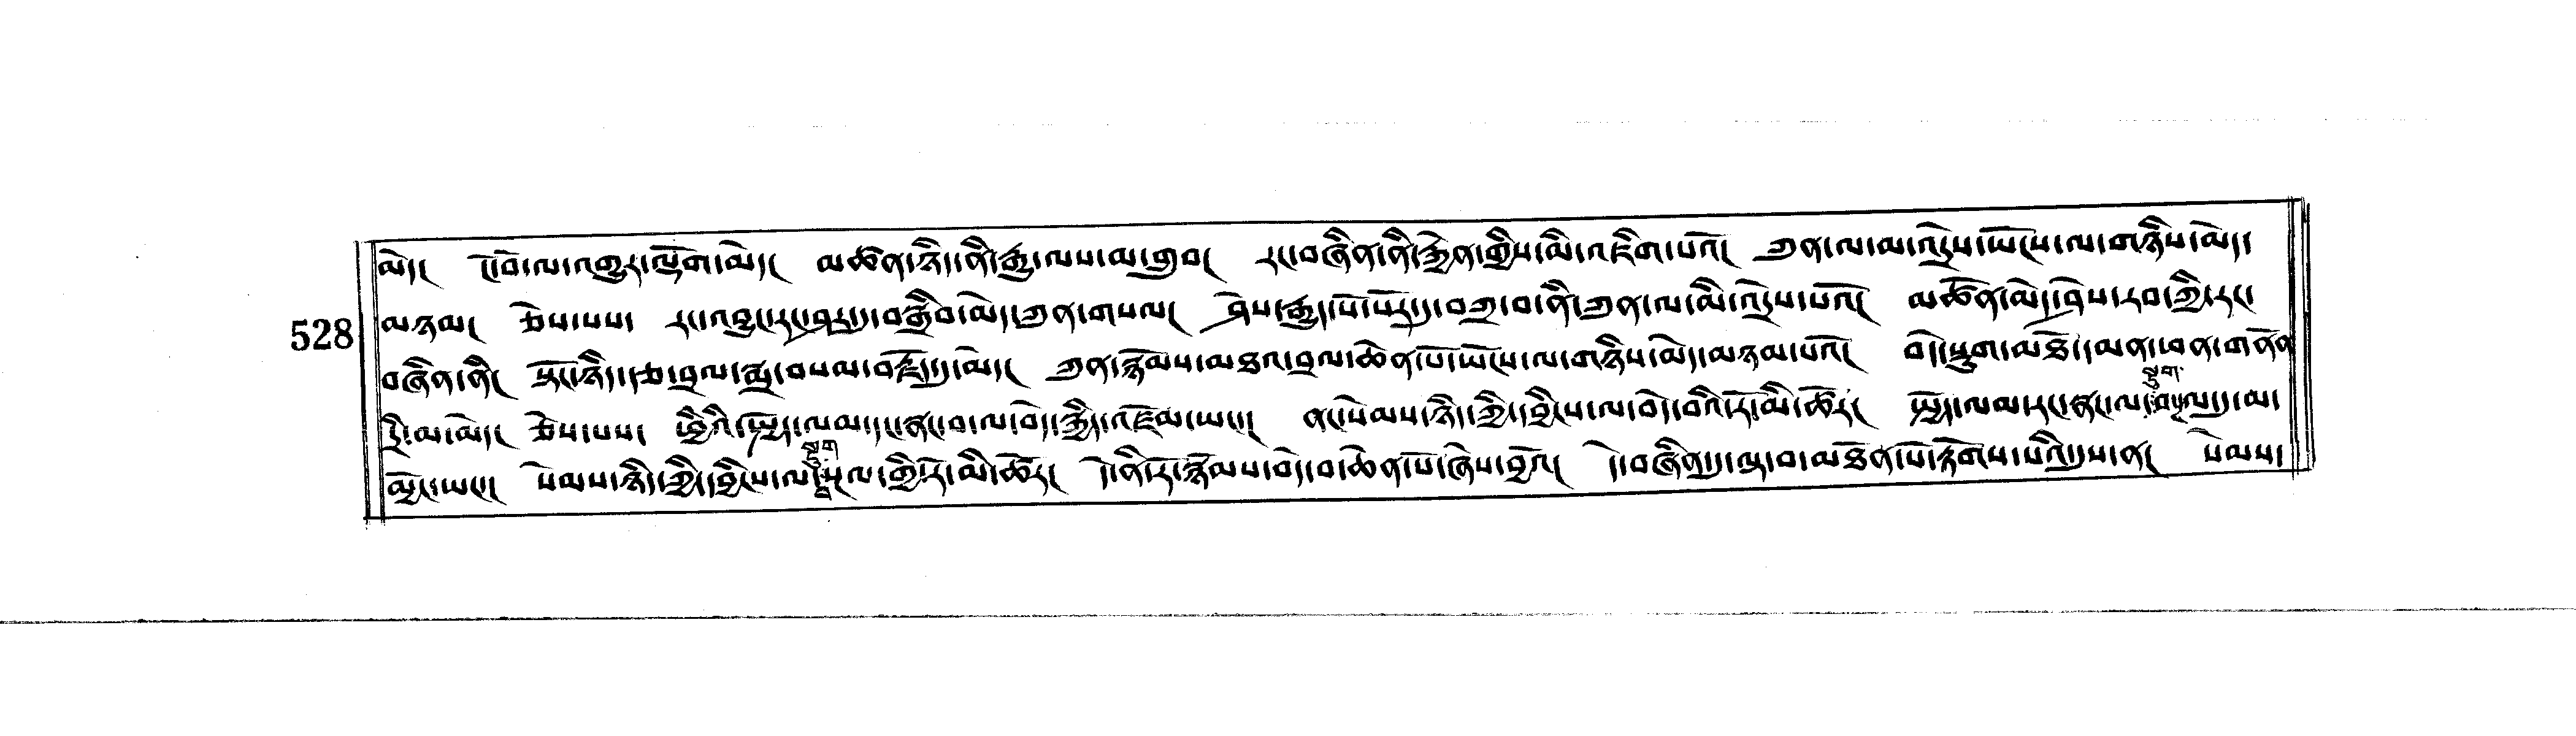མེད། ངོ་བོ་ལ་འགྱུར་ལྡོག་མེད། མཚན་ཉིད་ནི་རྒྱུ་ལས་མ་གྲུབ། རང་བཞིན་ནི་རྐྱེན་གྱིས་མི་འཇིག་པའོ། ཀུན་ལ་མ་འདྲེས་ཡོངས་ལ་གཉིས་མེད་
མཉམ། ཅེས་པས། རང་འབྱུང་གི་རང་ཤར་དུ་སྒྲིབ་མེད་ཀུན་གསལ། ཤེས་རྒྱུད་སོ་སོར་དུ་བཀྲ་བ་ནི་ཀུན་ལ་མི་འདྲེས་པའོ། མཚོན་མེད་ཤེས་རབ་ཀྱི་རང་
བཞིན་ནི། སྟོང་ཉིད་རྩ་བྲལ་སྨྲ་བསམ་བརྗོད་དུ་མེད། ཀུན་སྙོམས་མཐའ་བྲལ་ཆེན་པོ་ཡོངས་ལ་གཉིས་མེད་མཉམ་པའོ། བདེ་སྡུག་མཐོ་དམན་ཕན་གནོད་
དྲི་མ་མེད། ཅེས་པས། ཕྱི་ཡི་སྤྱོད་ལམ་དང་སྣང་བ་ལ་བདེ་སྐྱིད་འཛོམ་ཡང་། ནང་སེམས་ཉིད་ཀྱི་དབྱིངས་ལ་བདེ་བའི་རོ་མི་ཚོར། སྤྱོད་ལམ་རང་སྣང་ལ་སྡུག་བསྔལ་དུ་མ་
མྱོང་ཡང་། སེམས་ཉིད་ཀྱི་དབྱིངས་ལ་སྡུག་བསྔལ་གྱི་རོ་མི་ཚོར། དེ་ནི་རོ་སྙོམས་བདེ་བ་ཆེན་པོ་ཞེས་བྱའོ། དེ་བཞིན་དུ་ལྟ་བ་མཐོན་པོ་རྟོགས་པའི་དུས་ན། སེམས་